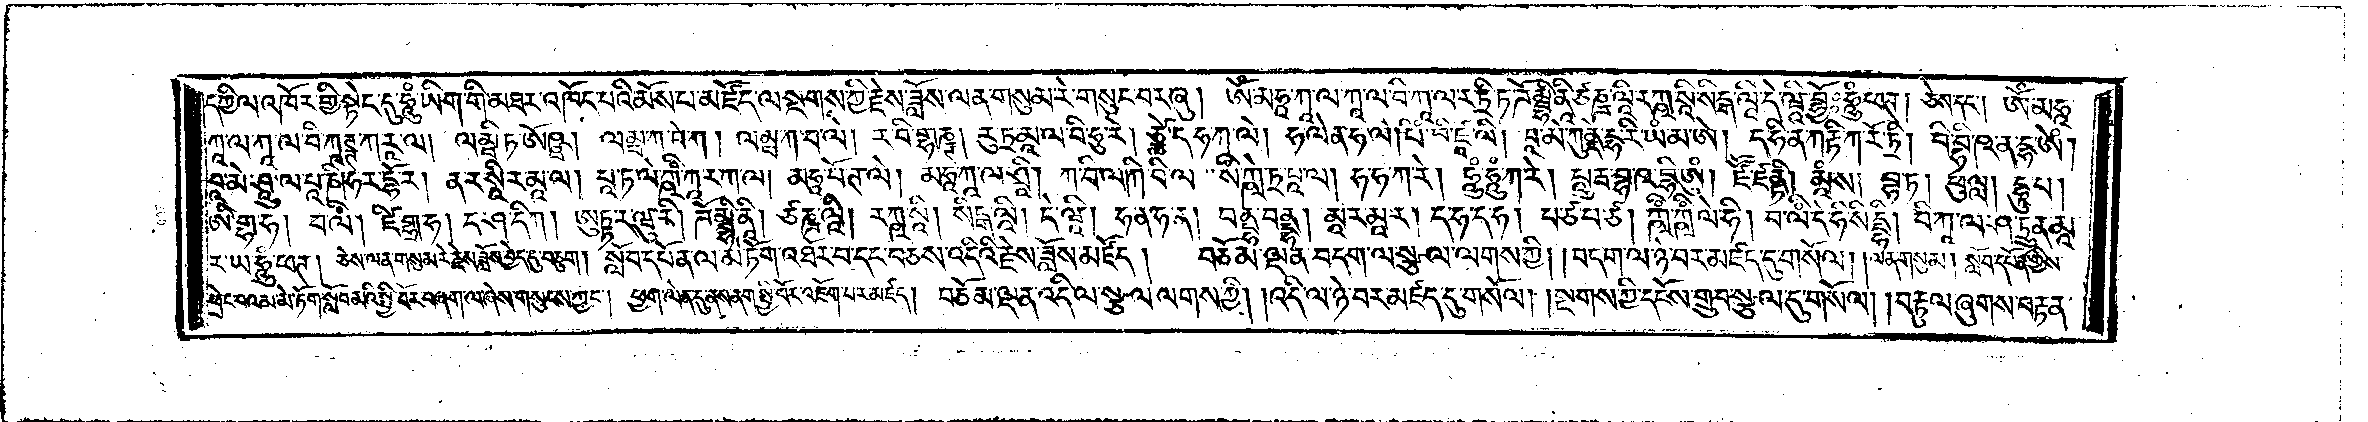དཀྱིལ་འཁོར་གྱི་སྟེང་དུ་ཧཱུཾ་ཡིག་གི་མཐར་འཁོད་པའི་མོས་པ་མཛོད་ལ་སྔགས་ཀྱི་རྗེས་ཟློས་ལན་གསུམ་རེ་གསུང་བར་ཞུ། ཨོཾ་མཧཱ་ཀཱ་ལ་ཀཱ་ལ་བི་ཀཱ་ལ་ར་ཏྲི་ཏ་ཌ྾་མྦྷི་ནཱི་ཙཎྜ་ལཱི་ར་ཀྵ་སཱི་སིངྒ་ལཱི་དེ་ཝཱི་བྷྱོཿཧཱུཾ་ཕཊ། ཅེས་དང་།  ཨོཾ་མཧཱ་
ཀཱ་ལ་ཀཱ་ལ་བི་ཀཱཊྚ་ཀ་རཱ་ལ། ལམྦི་ཏ་ཨོཾཥྵ། ལམྦ་ཀ་བེ་ཀ། ལམྦ་ཀ་བ་ལེ། ར་བི་གྷཎྚ། རུ་ཏྲ་མཱ་ལ་བི་ཧུ་རེ། ཙྪེ་ད་ཧ་ཀ་ལེ། ཧ་ལེན་ཧ་ལེ། པིཾ་བི་ཛཱ་ལི། བཱ་མེ་ཀུནྡེ་དྷ་རི་ཡཾ་མ་ཨེཾ། ད་ཧི་ན་ཀརྟི་ཀ་རོ་ཏྲི། བི་བྷི་ཥ་ན་དྷ་ཨེཾ།
བཱ་མེ་ཤཱུ་ལ་པཱ་ཎི། ཧ་ར་དྷོ་ར། ན་ར་སཱི་ར་མཱ་ལ། པཱ་ཏ་ལེ་ཀྵིཾ་ཀཱ་ར་ཀ་ལ། མཧཱ་པོ་ཊ་ལེ། མཧཱ་ཀཱ་ལ་ཤྲིའི། ཀ་བི་ལ་།ཀི་བི་ལ་སིཾ་ཀེཥ་ཏྲ་པཱ་ལ། ཧ་ཧ་ཀ་རེ། ཧཱུཾ་ཧཱུཾ་ཀ་རེ། པཱུརྦ་བྷྵ་བྷི་ཨུཾ། ཛཽ་ཛནྟི་མཱཾ་ས། བྷ་ཏ། ཕུལླ། དྷཱུ་པ།
ཨི་གྷ་ཧ། བ་ལིཾ། ཛི་གྷྲ་ཧ། ད་ཤ་དི་ཀ། ཨུཏྟ་ར་ཝཱུ་རི། ཌོམྦྷི་ནཱི། ཙཎྜ་ལཱི། རཀྵ་སཱི། སིངྒ་ལཱི། དེ་ལྦཱི། ཧ་ན་ཧ་ན། བནྦྷ་བནྡྷ། མཱ་ར་མཱ་ར། ད་ཧ་ད་ཧ། པ་ཙ་པ་ཙ། ཀྵིཾ་ཀྵིཾ་ལེ་ཧི། བ་ལིཾ་དེ་ཧི་སི་དྡྷི། བི་ཀཱ་ལ་ཤ་ཏྲུན་མཱ་
ར་ཡ་ཧཱུཾ་ཕཊ། ཅེས་ལན་གསུམ་རེ་རྗེས་ཟློས་བྱེད་དུ་བཅུག །  སློབ་དཔོན་ལ་མེ་ཏོག་འཐོར་བ་དང་བཅས་འདིའི་རྗེས་ཟློས་མཛོད། བཅོམ་ལྡན་བདག་ལ་སྩལ་ལགས་ཀྱི། བདག་ལ་ཉེ་བར་མཛད་དུ་གསོལ། །ལན་གསུམ། སློབ་དཔོན་གྱིས་
སྤྲེང་བའམ་མེ་ཏོག་སློབ་མའི་སྤྱི་བོར་བཞག་ལ་ཞེས་གསུངས་ཀྱང་། ཕྱག་ལེན་དུ་ནས་ནག་སྤྱི་བོར་འཇོག་པར་མཛད། བཅོམ་ལྡན་འདི་ལ་སྩལ་ལགས་ཀྱི། །འདི་ལ་ཉེ་བར་མཛད་དུ་གསོལ། །སྔགས་ཀྱི་དངོས་གྲུབ་སྩལ་དུ་གསོལ། །བརྟུལ་ཞུགས་བརྟན་